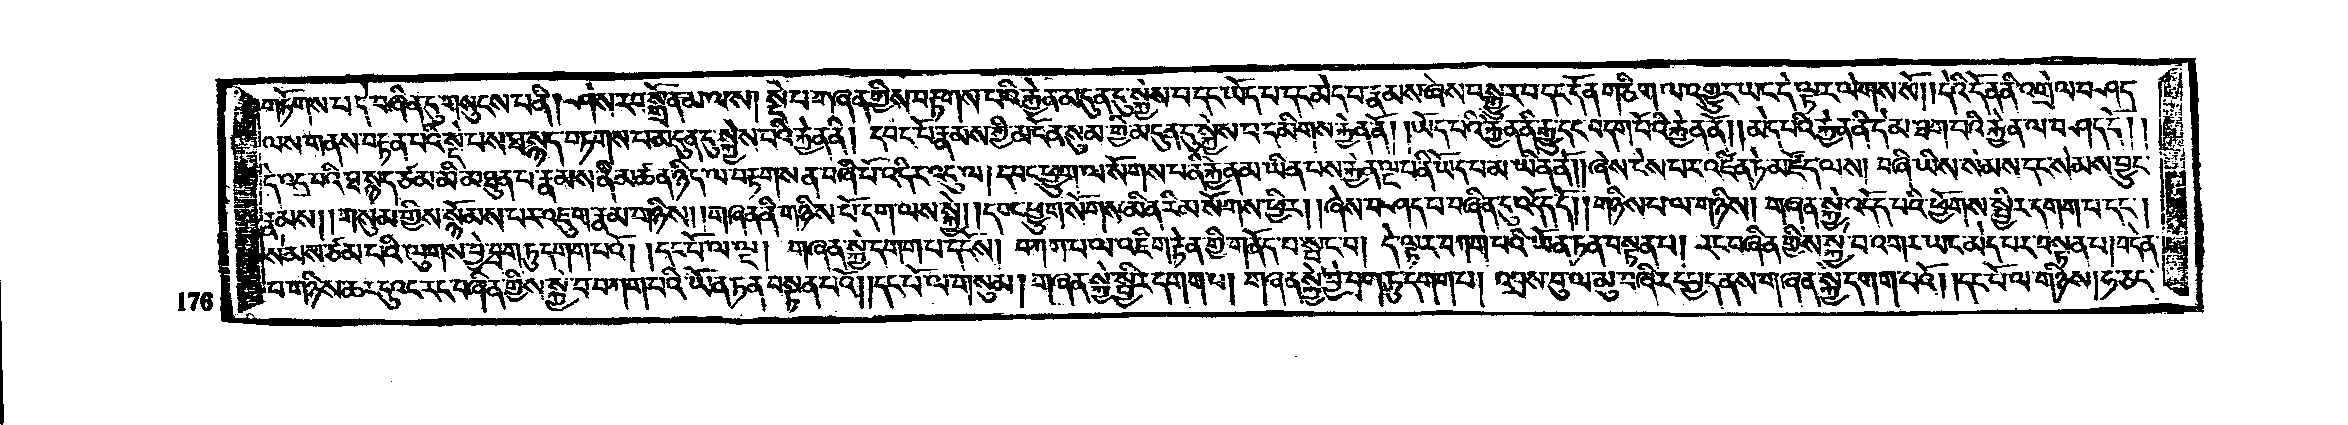གཏོགས་པ་དེ་བཞིན་དུ་གསུངས་པ་ནི། ཤེས་རབ་སྒྲོན་མ་ལས། སྡེ་པ་གཞན་གྱིས་བརྟགས་པའི་རྐྱེན་མདུན་དུ་སྐྱེས་པ་དང་ཡོད་པ་དང་མེད་པ་རྣམས་ཞེས་བསྒྱུར་བ་དང་དོན་གཅིག་ལ་འགྱུར་ཡང་དེ་ལྟར་ལེགས་སོ། །དེའི་དོན་ནི་འགྲེལ་བཤད་
ལས་གནས་བརྟན་པའི་སྡེ་པས་ཐ་སྙད་བཏགས་པ་མདུན་དུ་སྐྱེས་པའི་རྐྱེན་ནི། དབང་པོ་རྣམས་ཀྱི་མངོན་སུམ་གྱི་མདུན་དུ་སྐྱེས་པ་དམིགས་རྐྱེན་ནོ། །ཡོད་པའི་རྐྱེན་ནི་རྒྱུ་དང་བདག་པོའི་རྐྱེན་ནོ། །མེད་པའི་རྐྱེན་ནི་དེ་མ་ཐག་པའི་རྐྱེན་ལ་བཤད་དོ། །
དེ་འདྲ་བའི་ཐ་སྙད་ཙམ་མི་མཐུན་པ་རྣམས་ནི་མཚན་ཉིད་ལ་བརྟགས་ན་བཞི་པོ་འདིར་འདུ་ལ། དབང་ཕྱུག་ལ་སོགས་པ་ནི་རྐྱེན་མ་ཡིན་པས་རྐྱེན་ལྔ་པ་ནི་ཡོད་པ་མ་ཡིན་ནོ། །ཞེས་ངེས་པར་འཛིན་ཏེ་མཛོད་ལས། བཞི་ཡིས་སེམས་དང་སེམས་བྱུང་
རྣམས། །གསུམ་གྱིས་སྙོམས་པར་འཇུག་རྣམ་གཉིས། །གཞན་ནི་གཉིས་པོ་དག་ལས་སྐྱེ། །དབང་ཕྱུག་སོགས་མིན་རིམ་སོགས་ཕྱིར། །ཞེས་བཤད་པ་བཞིན་དུ་འདོད་དོ། །གཉིས་པ་ལ་གཉིས། གཞན་སྐྱེ་འདོད་པའི་ཕྱོགས་སྤྱིར་དགག་པ་དང་།
སེམས་ཙམ་པའི་ལུགས་བྱེ་བྲག་ཏུ་དགག་པའོ། །དང་པོ་ལ་ལྔ། གཞན་སྐྱེ་དགག་པ་དངོས། བཀག་པ་ལ་འཇིག་རྟེན་གྱི་གནོད་པ་སྤང་བ། དེ་ལྟར་བཀག་པའི་ཡོན་ཏན་བསྟན་པ། རང་བཞིན་གྱིས་སྐྱེ་བ་འགར་ཡང་མེད་པར་བསྟན་པ། བདེན་
པ་གཉིས་ཆར་དུའང་རང་བཞིན་གྱིས་སྐྱེ་བ་བཀག་པའི་ཡོན་ཏན་བསྟན་པའོ། །དང་པོ་ལ་གསུམ། གཞན་སྐྱེ་སྤྱིར་དགག་པ། གཞན་སྐྱེ་བྱེ་བྲག་ཏུ་དགག་པ། འབྲས་བུ་ལ་མུ་བཞིར་དཔྱད་ནས་གཞན་སྐྱེ་དགག་པའོ། །དང་པོ་ལ་གཉིས། ཧ་ཅང་